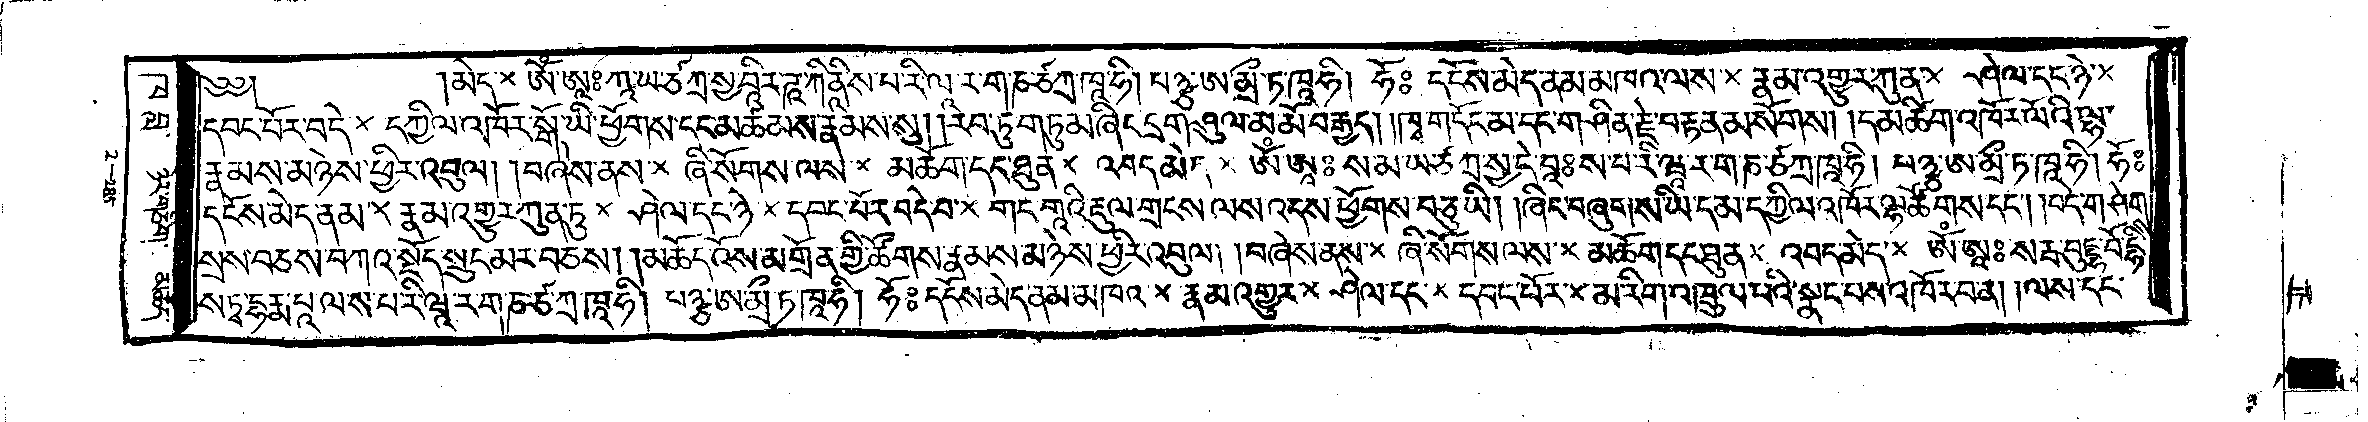༄༅། །མེད྾་ཨོཾ་ཨཱཿ ཀཱ་ཡ་ཙཀྲ་སྱ་བཱིར་ཌཱ་ཀི་ནཱི་ས་པ་རི་ལཱ་ར་ག་ཎ་ཙཀྲ་ཁཱ་ཧི། པཉྩ་ཨ་མྲྀ་ཏ་ཁཱ་ཧི། ཧོཿ དངོས་མེད་ནམ་མཁའ་ལས྾་རྣམ་འགྱུར་ཀུན྾་ཤེལ་དང་ཉེ྾་
དབང་པོར་བདེ྾་དཀྱིལ་འཁོར་སྒོ་ཡི་ཕྱོགས་དང་མཚམས་རྣམས་སུ། །རབ་ཏུ་གཏུམ་ཞིང་དྲག་ཤུལ་མ་མོ་བརྒྱད། །ཁྭ་གདོང་མ་དང་གཤིན་རྗེ་བརྟན་མ་སོགས། །དམ་ཚིག་འཁོར་ལོའི་ལྷ་
རྣམས་མཉེས་ཕྱིར་འབུལ། །བཞེས་ནས྾་ཞི་སོགས་ལས྾་མཆོག་དང་ཐུན྾་འབད་མེད྾་ཨོཾ་ཨཱཿ ས་མ་ཡ་ཙཀྲ་སྱ་དེ་བཱཿ ས་པ་རི་ཝཱ་ར་ག་ཎ་ཙཀྲ་ཁཱ་ཧི། པཉྩ་ཨ་མྲྀ་ཏ་ཁཱ་ཧི། ཧོཿ
དངོས་མེད་ནམ྾་རྣམ་འགྱུར་ཀུན་ཏུ྾་ཤེལ་དང་ཉེ྾་དབང་པོར་བདེ་བ྾་གང་གཱའི་རྡུལ་གངས་ལས་འདས་ཕྱོགས་བཅུ་ཡི། །ཞིང་བཞུས་ཡི་དམ་དཀྱིལ་འཁོར་ལྷ་ཚོགས་དང་། །བདེ་གཤེགས་
སྲས་བཅས་བཀའ་སྡོད་སྲུང་མར་བཅས། །མཆོད་འོས་མགྲོན་གྱི་ཚོགས་རྣམས་མཉེས་ཕྱིར་འབུལ། །བཞེས་ནས྾་ཞི་སོགས་ལས྾་མཆོག་དང་ཐུན྾་འབད་མེད྾་ཨོཾ་ཨཱཿ སརྦ་བུདྡྷ་བོ་དྷིཨི་
སཏྭ་དྷརྨ་པཱ་ལ་ས་པ་རི་ཝཱ་ར་ག་ཎ་ཙཀྲ་ཁཱ་ཧི། པཉྩ་ཨ་མྲྀ་ཏ་ཁཱ་ཧི། ཧོཿ དངོས་མེད་ནམ་མཁའ྾་རྣམ་འགྱུར྾་ཤེལ་དང྾་དབང་པོར྾་མ་རིག་འཁྲུལ་པའི་སྣང་བས་འཁོར་བ་ན། །ལས་དང་